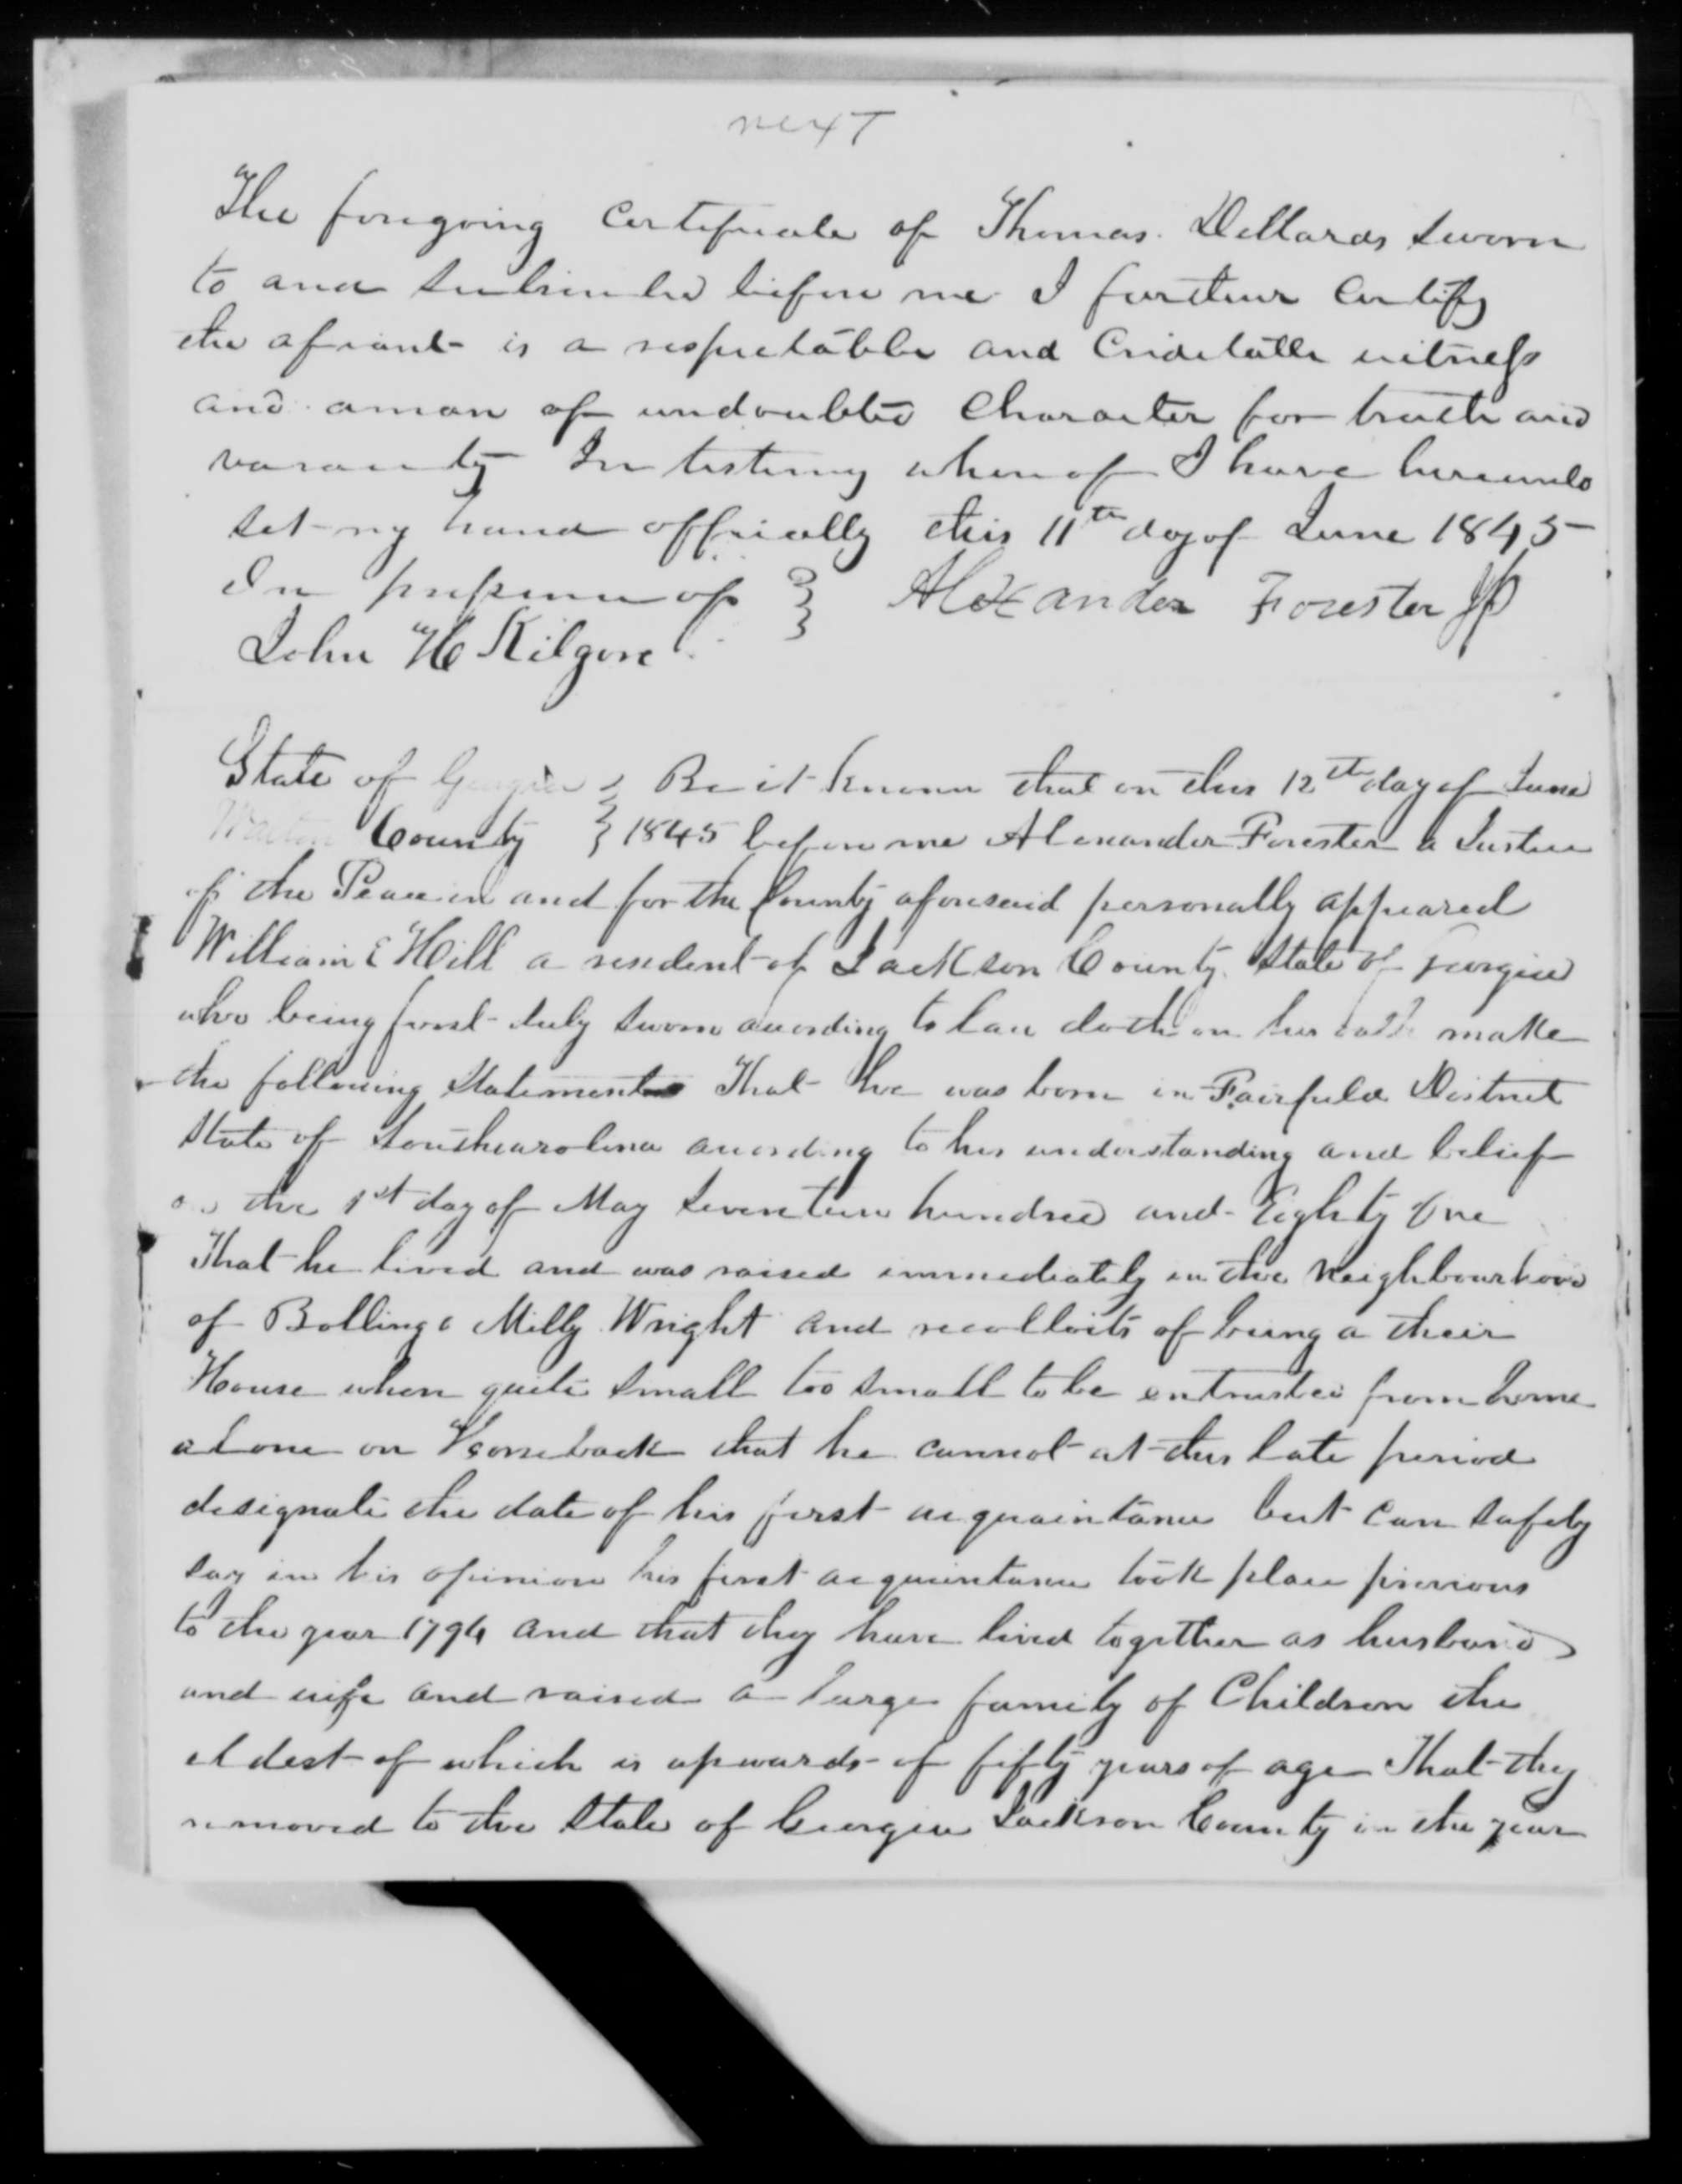next
The foregoing certificate of Thomas Dillard sworn to and subscribed before me I further certify the affiant is a respectable and credible witness and a man of undoubted character for truth and veracity In testimony whereof I have hereunto set my hand officially this 11th day of June 1845
In prepense of
John H Kilgore
Alexander Forester JP

State of Georgia
Walton County
Be it known that on this 12th day of June 1845 before me Alexander Forester a Justice of the Peace in and for the County aforesaid personally appeared 
William E Hill a resident of Jackson County State of Georgia who being first duly sworn according to law doth on his oath make the following Statement That he was born in Fairfield District State of South Carolina according to his understanding and belief on the first day of May Seventeen hundred and Eighty One
That he lived and was raised immediately in the neighborhood of Bolling and Milly Wright and and recollects of being a their House when quite small too small to be entrusted from home alone on Horseback that he cannot at this late period designate the date of his first acquaintance but can safely say in his opinion his first acquaintance took place previous to the year 1794 and that they have lived together as husband and wife and raised a large family of children the eldest of which is upwards of fifty years of age That they removed to the State of Georgia Jackson County in the year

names: John H Kilgore, Thomas Dillards, Bolling Wright, Alexander Forester, Milly Wright, William E Hill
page: 76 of 81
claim: widow's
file: W. 5183, Bolling Wright, Va.